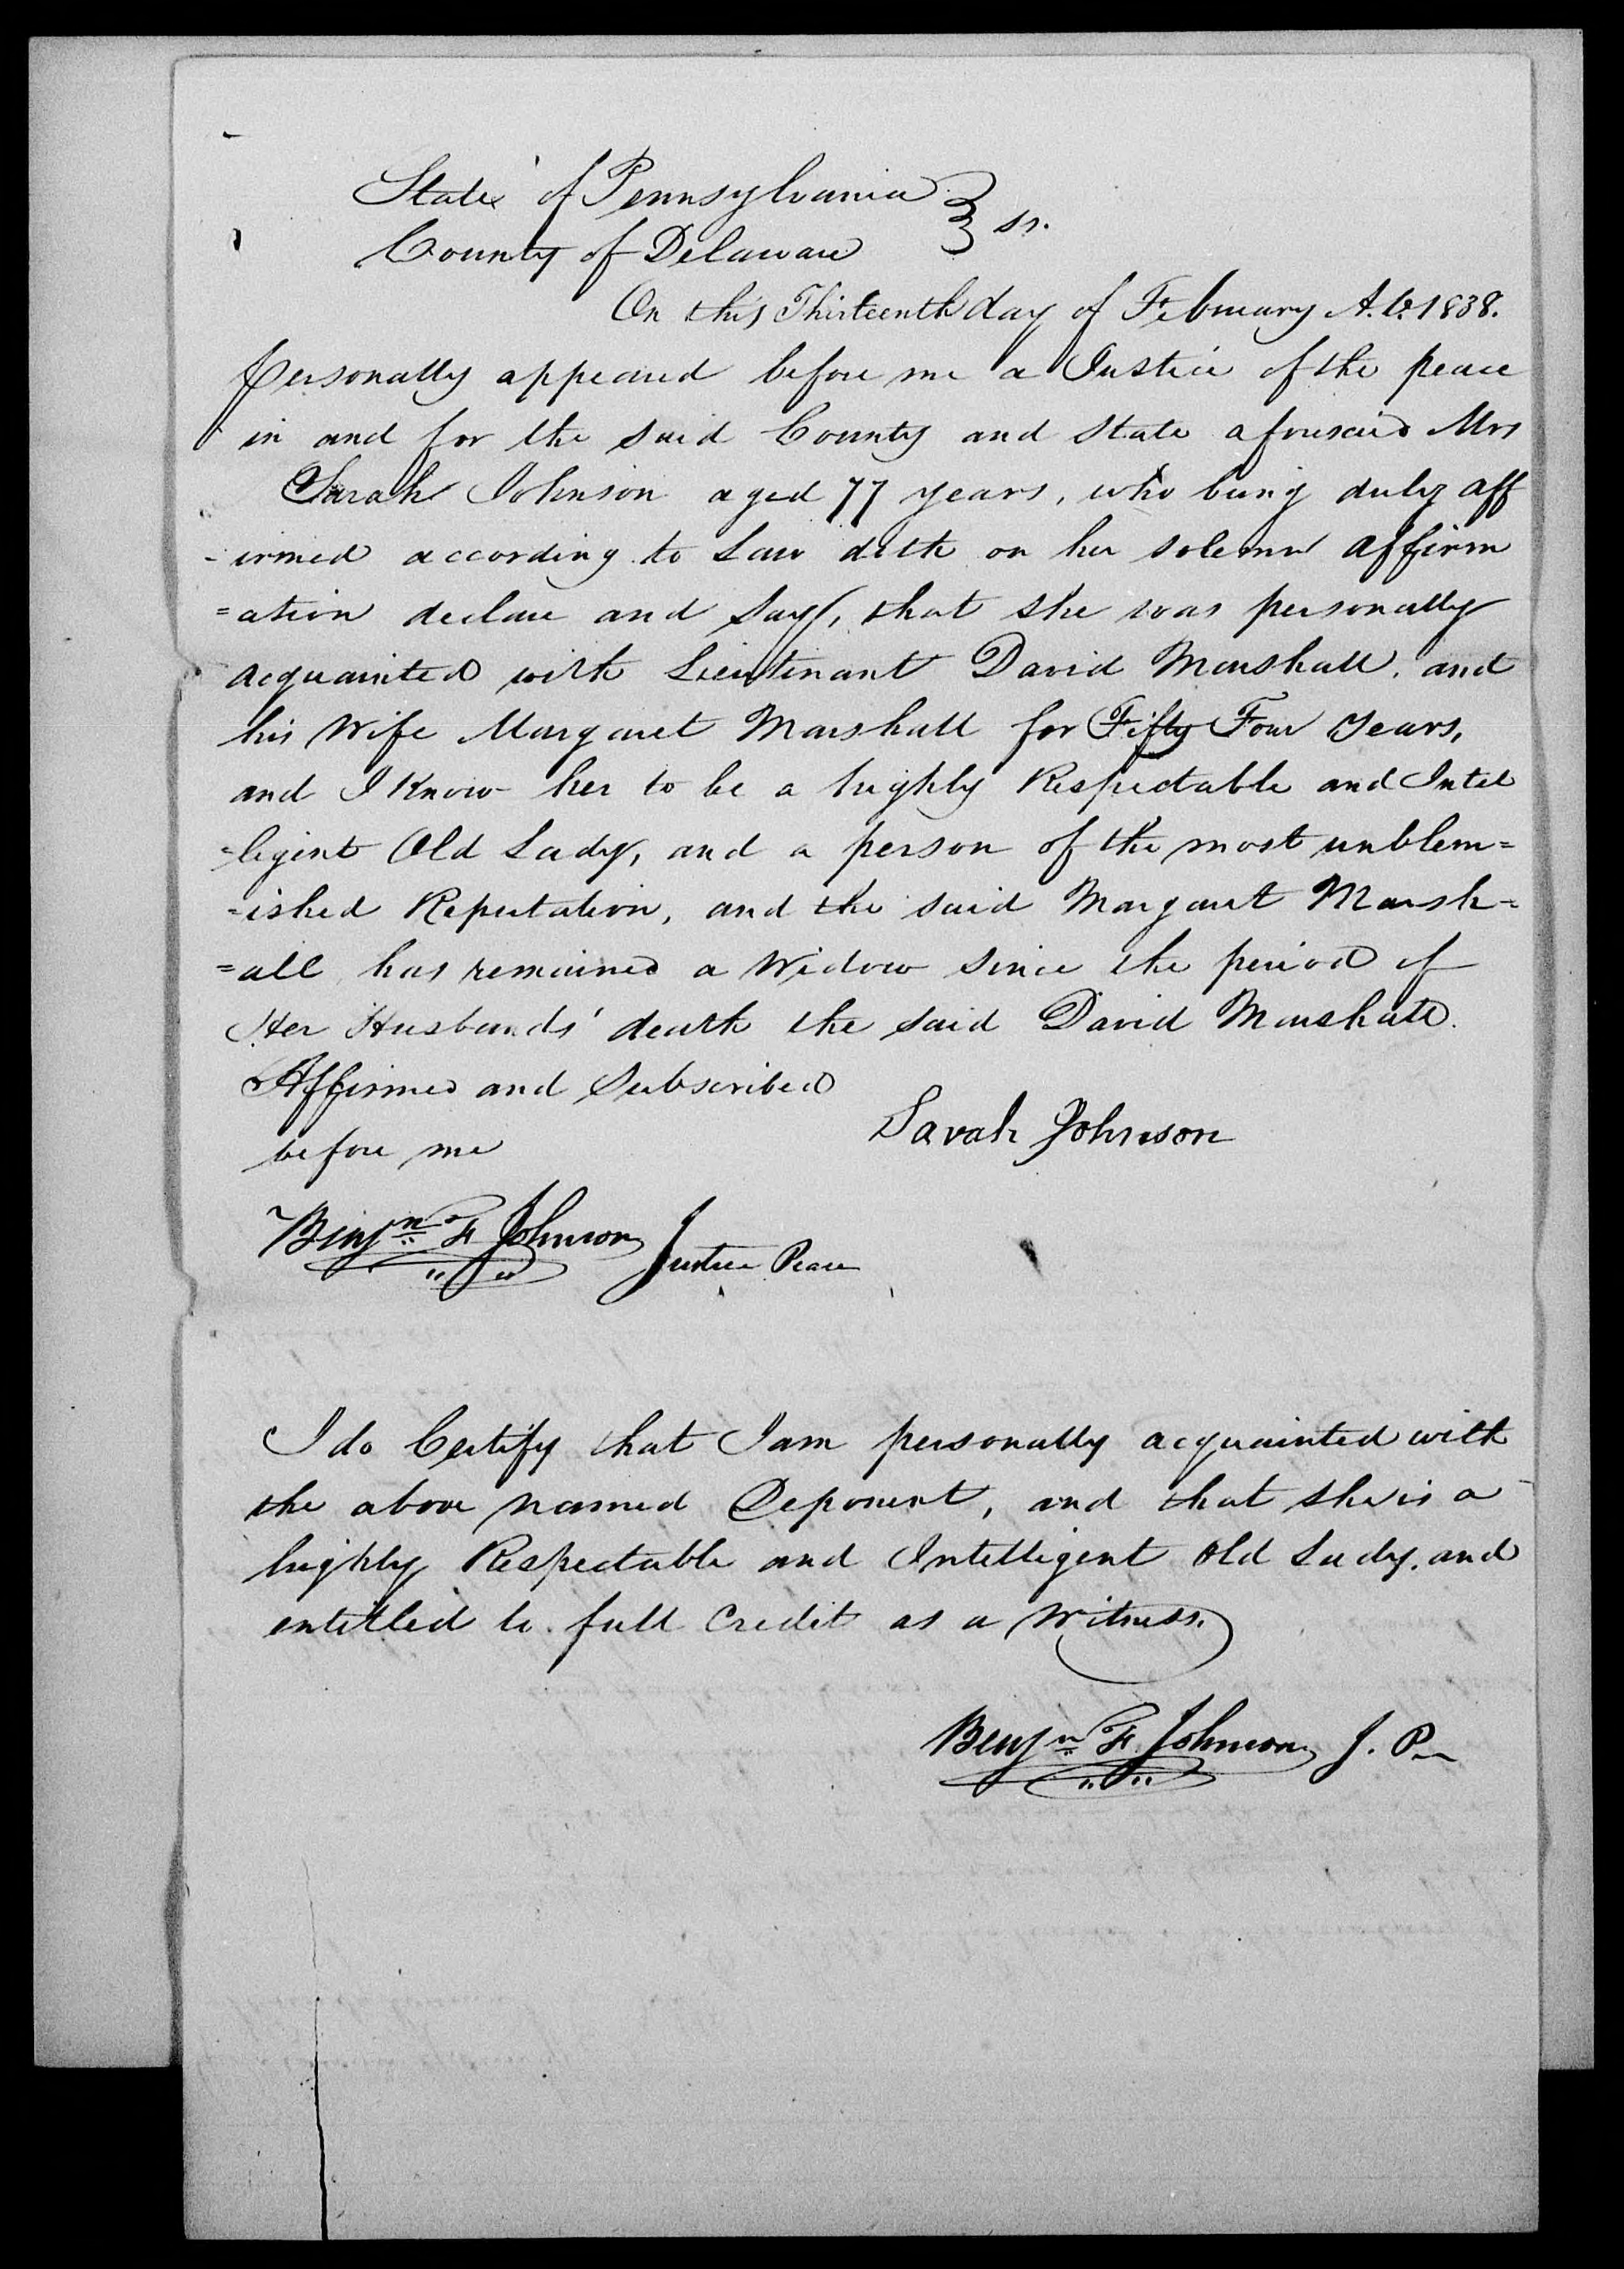State of Pennsylvania
County of Delaware

On this Thirteen day of February A.D. 1838. personally appeared before me a Justice of the peace in and for the said County and State aforesaid Mrs Sarah Johnson aged 77 years, who being duly affirmed according to same doth on her solemn affirmation declare and say, that she was personally acquainted with Lieutenant David Marshall, and his wife Margaret Marshall for Fifty Four years, and I know her to be a highly respectable and intelligent Old Lady, and a person of the most unblemished Reputation, and the said Margaret Marshall has remained a widow since the period of her husbands death the said David Marshall.

Sarah Johnson

Benj F Johnson Justice Peace

I do Certify that I am personally acquainted with the above named Deponent, and that she is a highly Respectable and Intelligent Old Lady and entitled to full credit as a witness.
Benj F Johnson J.P.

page: 65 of 86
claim: widow's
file: W. 3571, for David Marshall, Pennsylvania